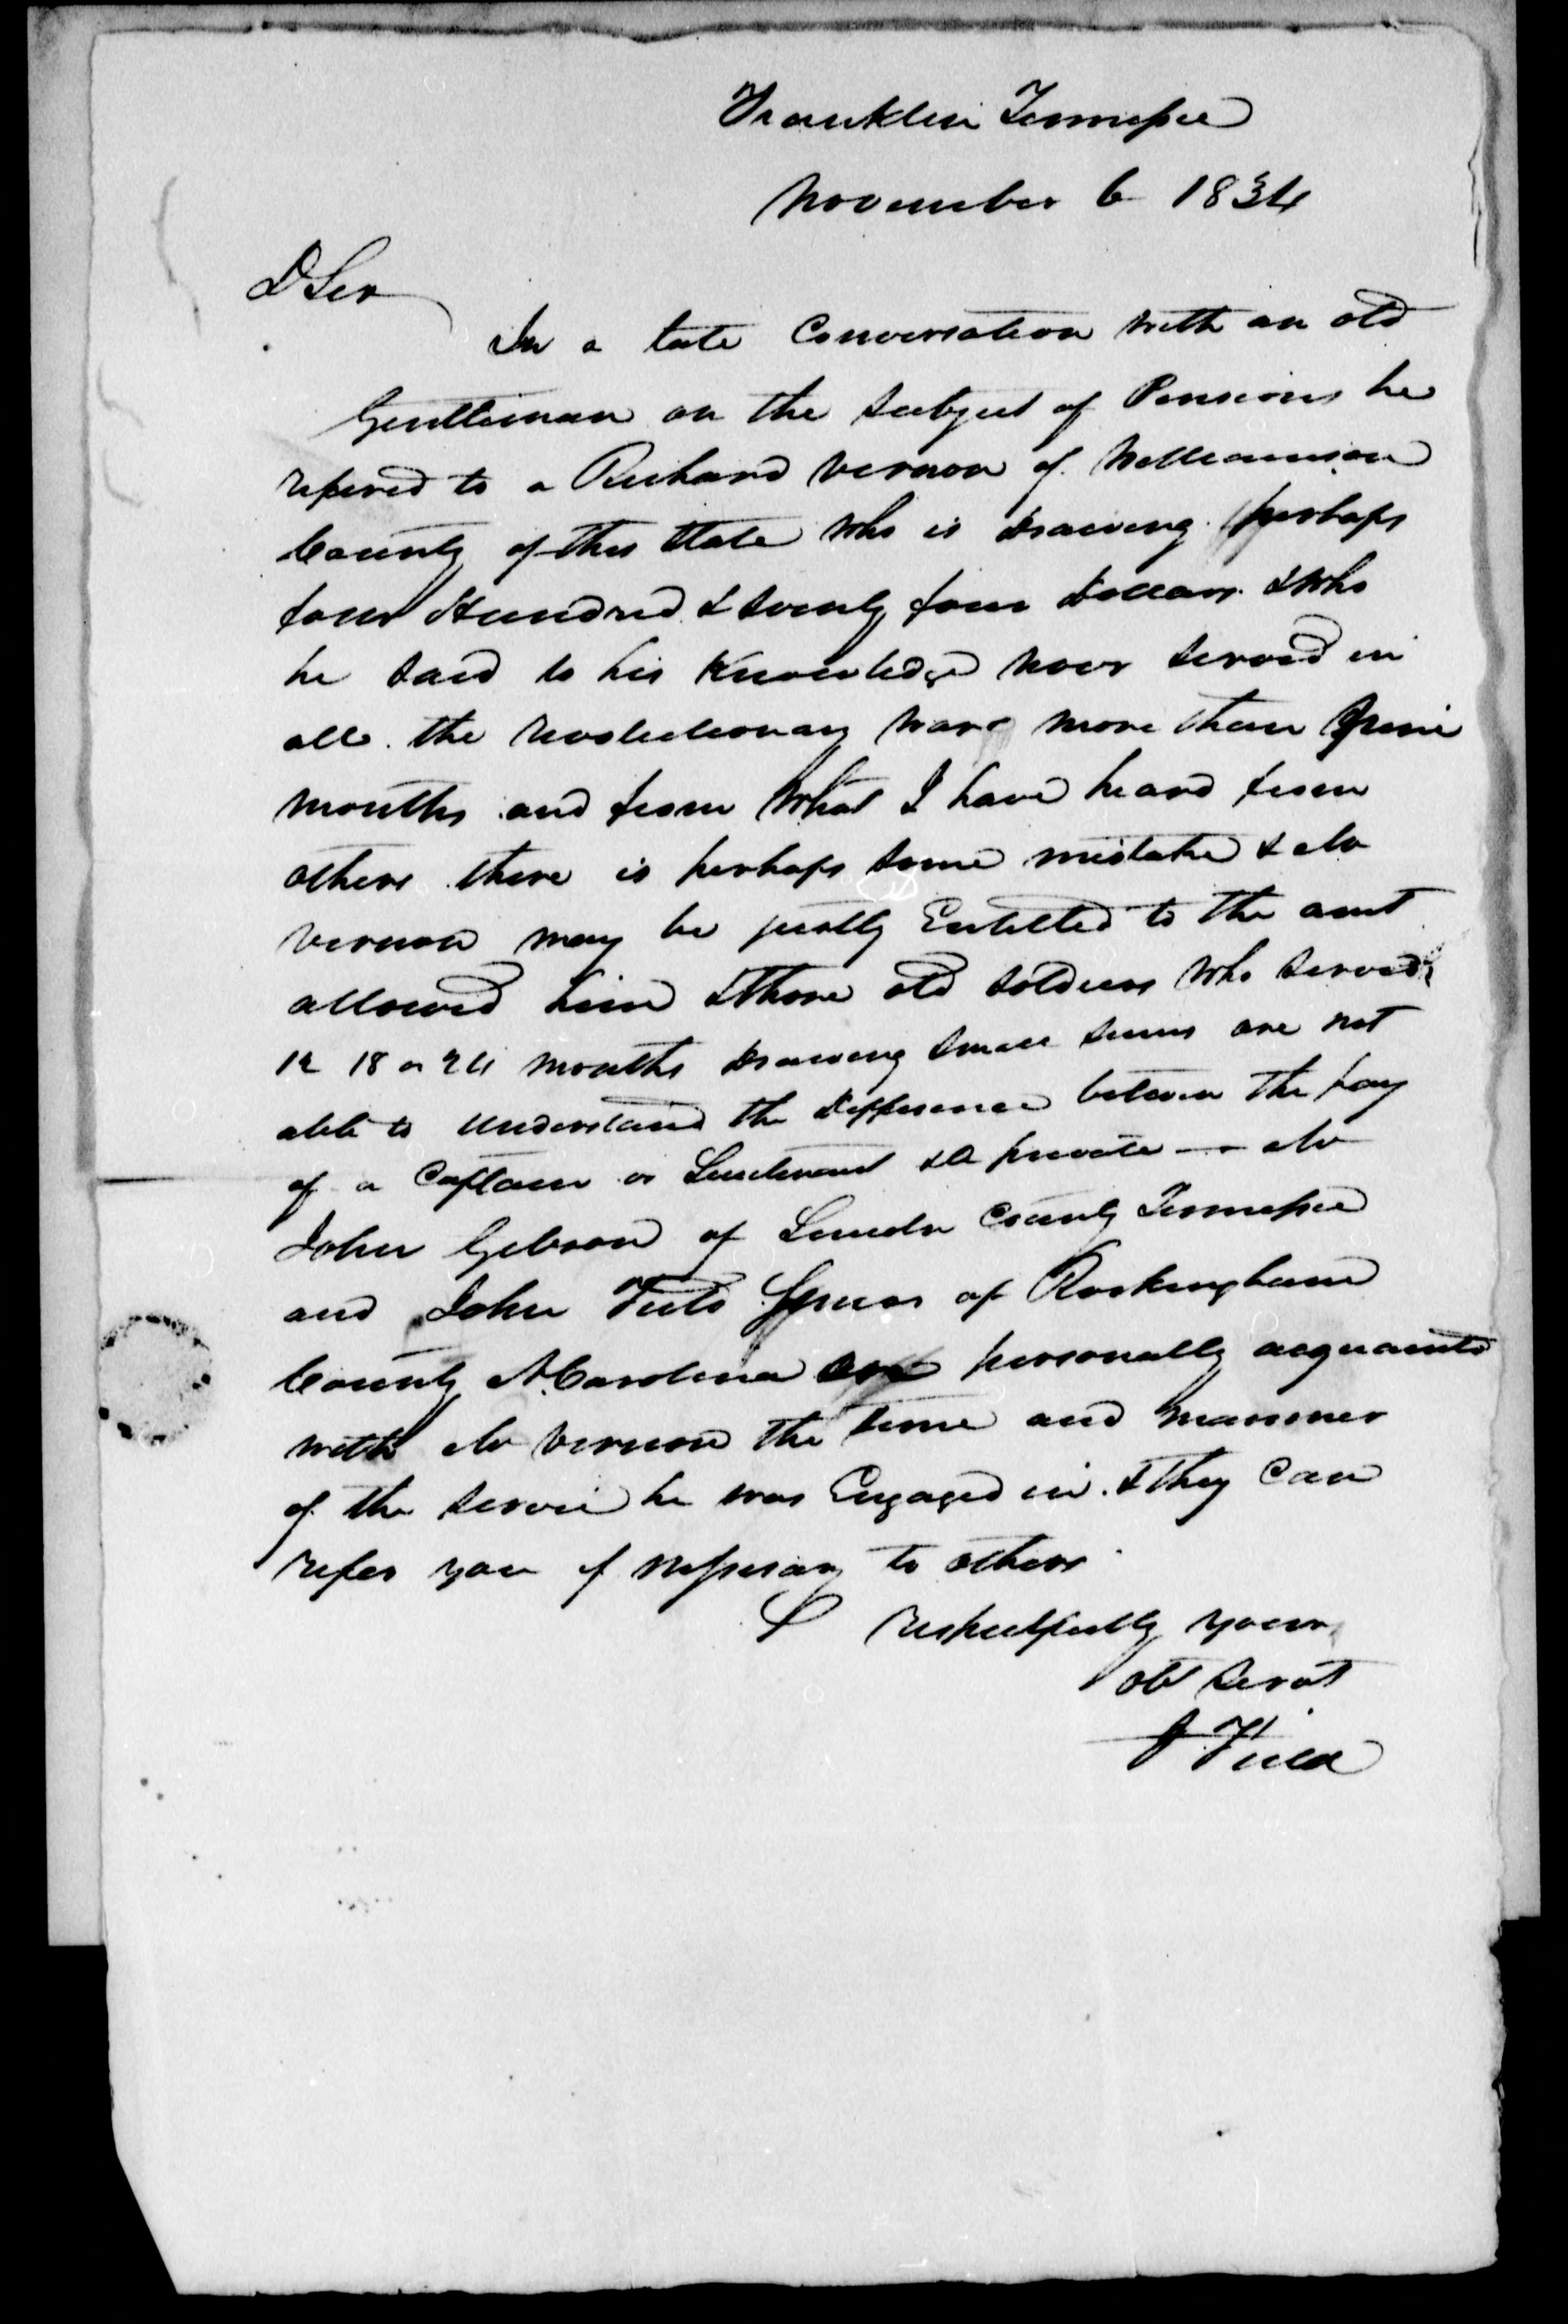Franklin Tennessee
November 6, 1836

D Sir:
In a late conversation with an old Gentleman on the subject of pensions he reported to a Richard Vernon of Williamson county of this State who is drawing perhaps four Hundred & seventy four dollars & who he said to his knowledge now served in all the revolutionary war more than five months and from what I have heard from others there is perhaps some mistake & Sd Vernon may be justly Entitled to the amt allowed him  Those old soldiers who served 12 18 or 24 months having since services are not able to understand the difference between the pay of a Captain or Lieutenant & a private - said John Gibson of Lincoln County Tennessee and John Fields Cgyman of Rockingham County N.Carolina personally acquainted with said Vernon the time and memories of the service he was Engaged in & they can refer you if necessary to others.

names: J Field, John Field, Richard Vernon, Vernon, Vernon, John Gibson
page: 103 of 105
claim: survivor's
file: S. 1883, Richard Vernon, N.C.